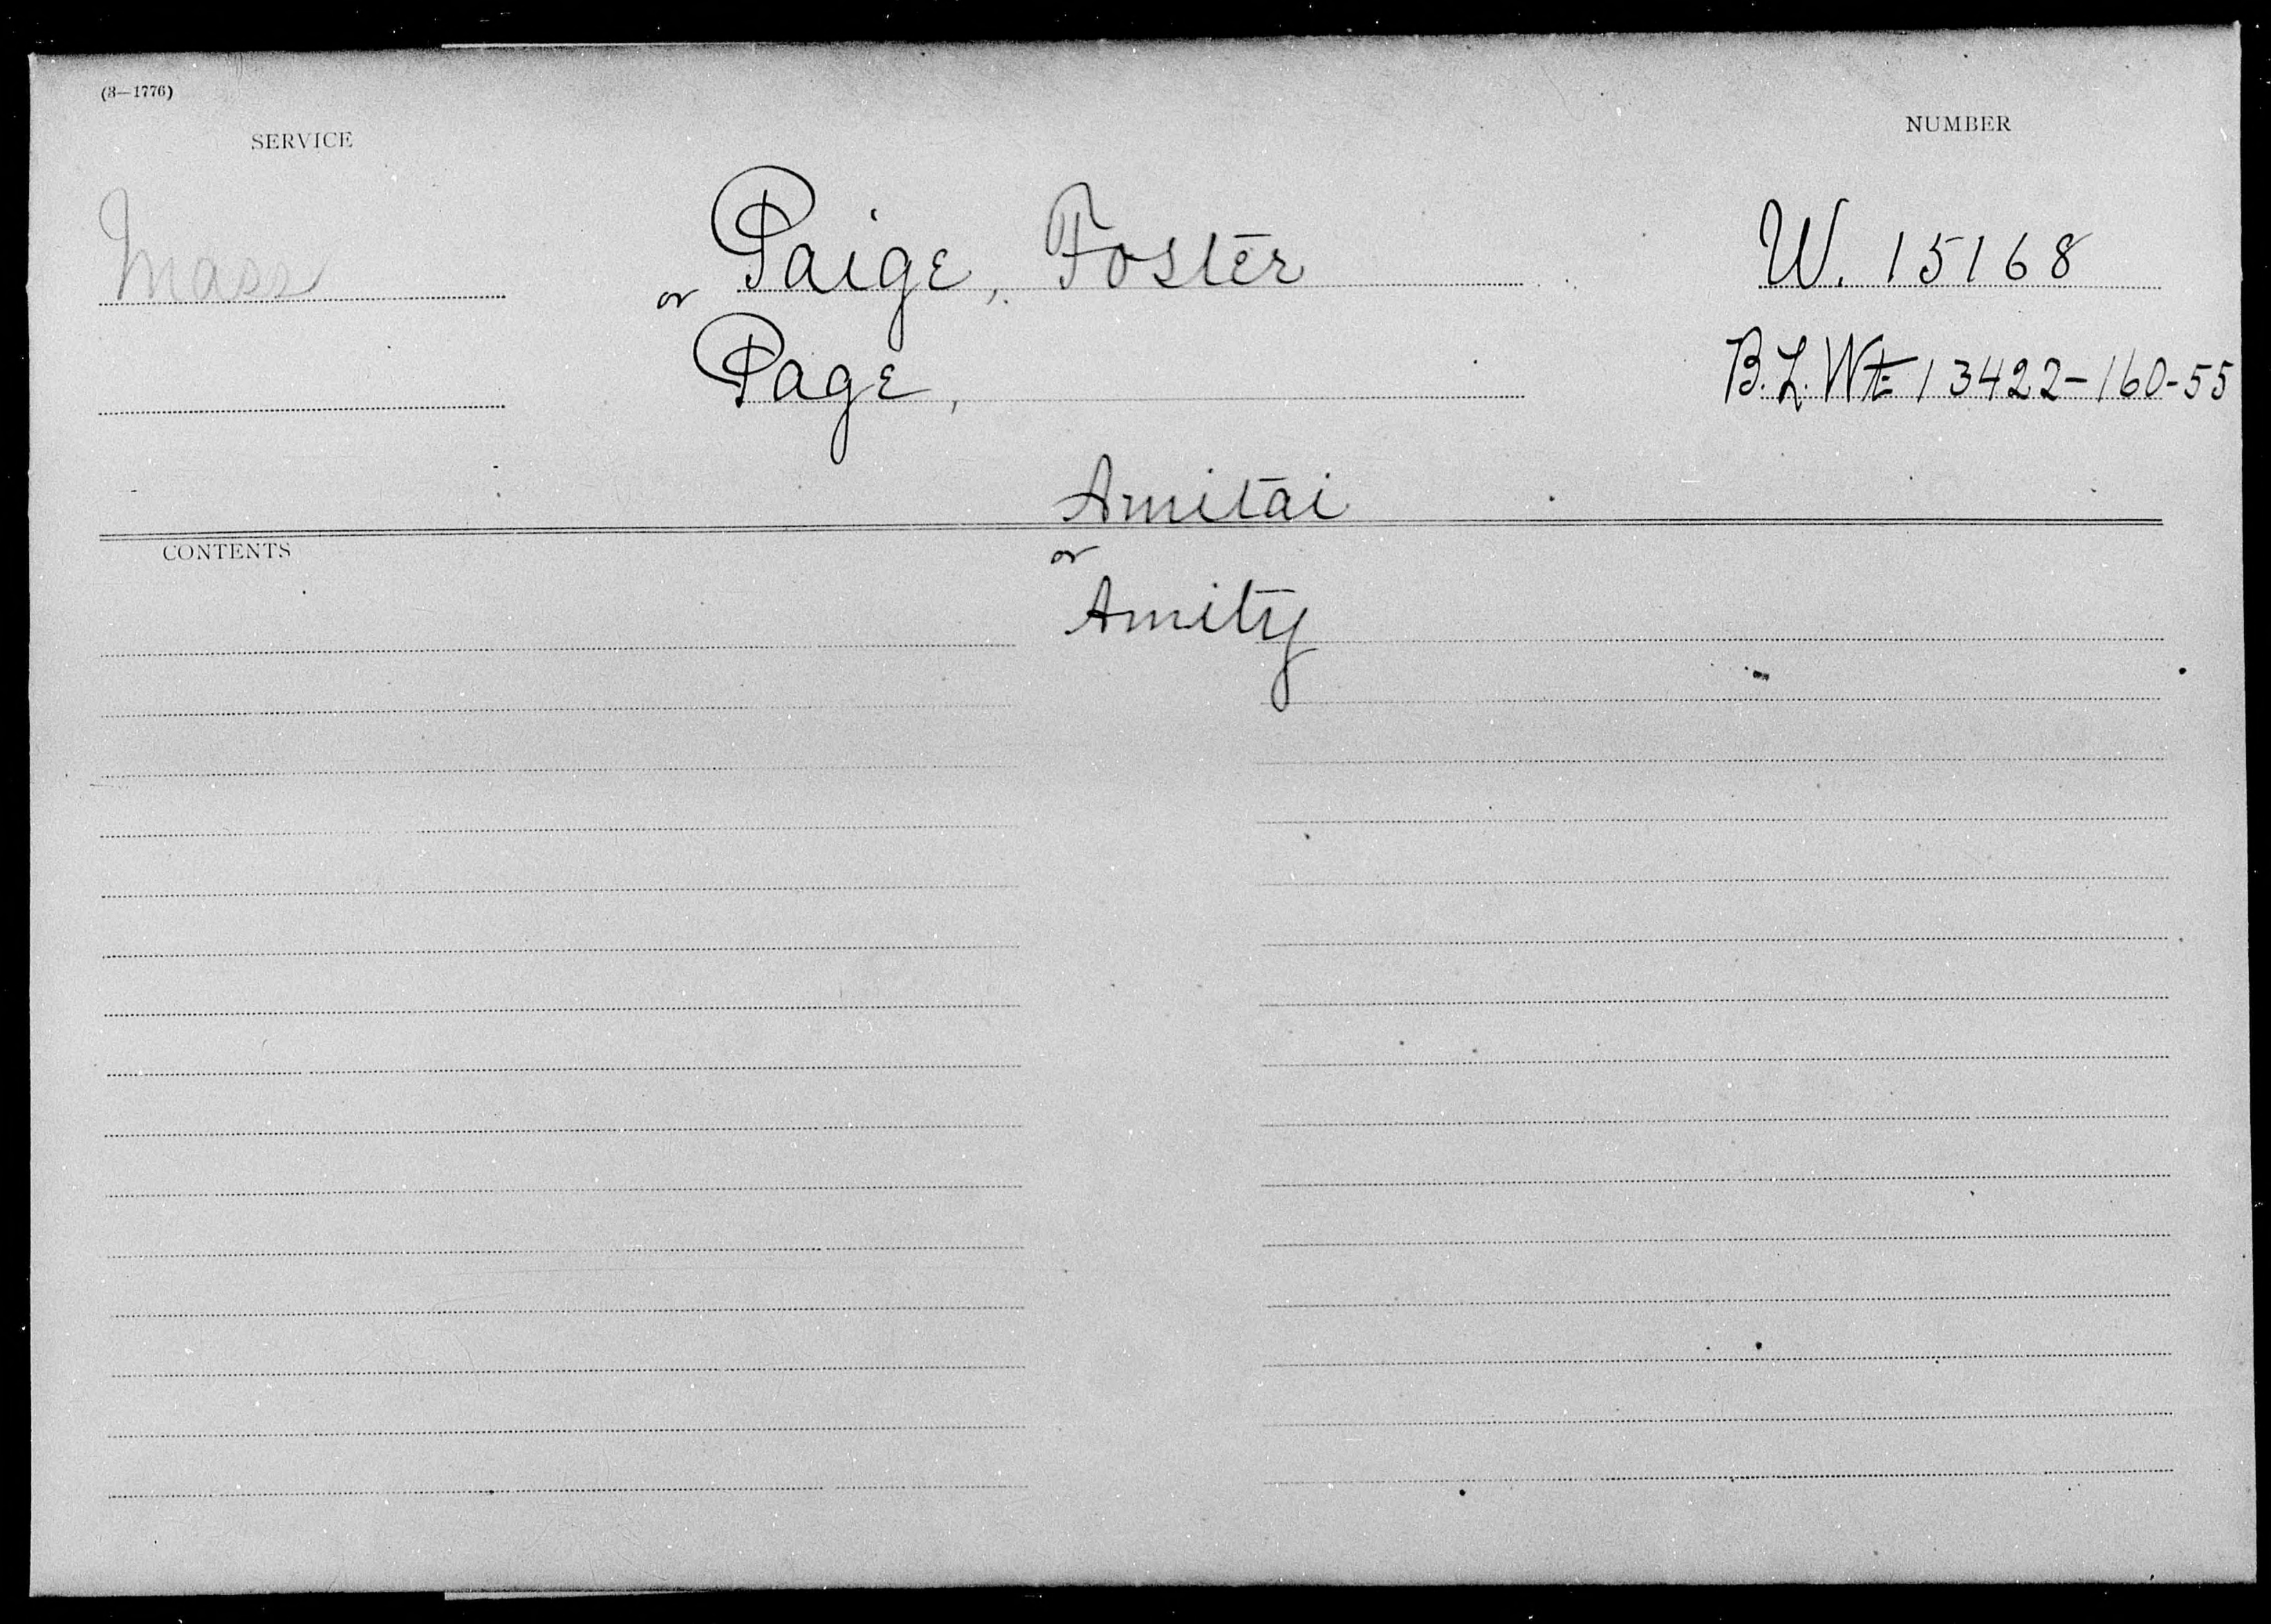(3 - 1776)
SERVICE
Mass
Paige, Foster
or
Page, Amitai or Amity
NUMBER
W. 15168
B.L. Wt 13422-160-55
CONTENTS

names: Amity Page; Foster Page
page: 1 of 40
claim: widow's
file: W. 15168, for Foster Paige, Massachusetts